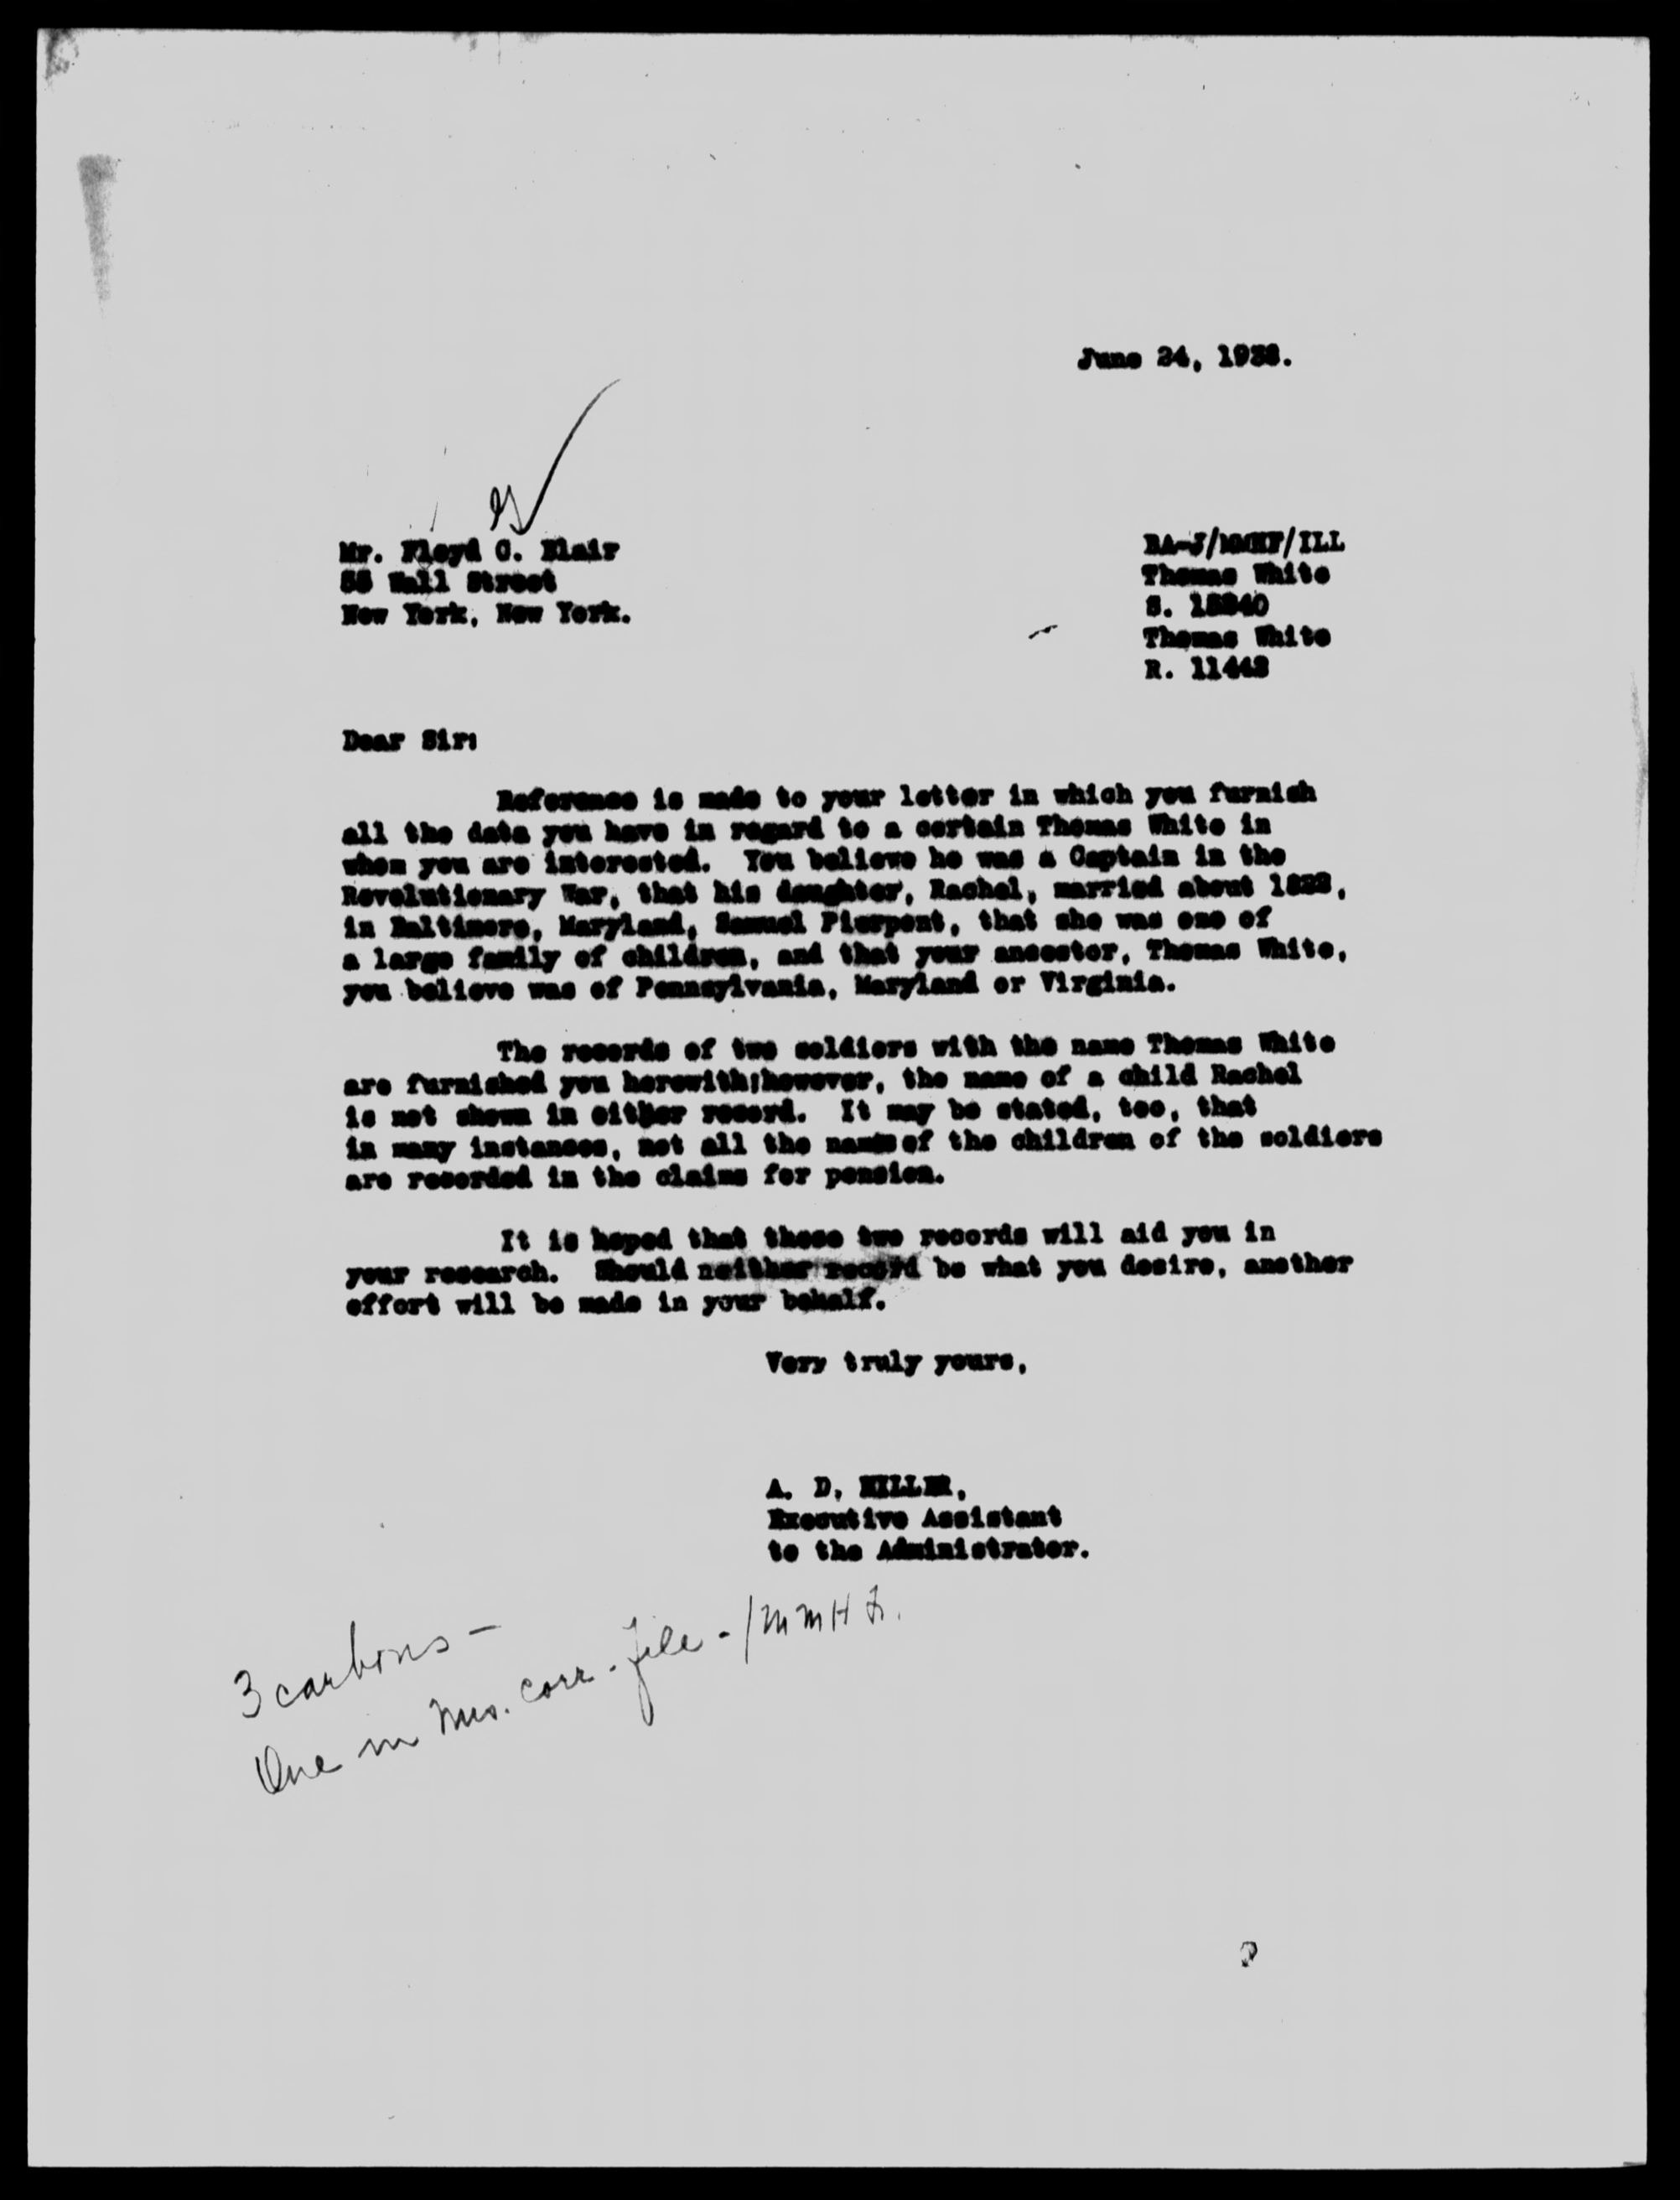June 24, 1938.

Mr. Floyd G. Blair
58 Hall Street
New York, New York

RAS/MMHI/ILL
Thomas White
S. 15940
Thomas White
R. 11443

Dear Sir:
Reference is made to your letter in which you furnish all the data you have in regard to a certain Thomas White in whom you are interested. You believe he was a Captain in the Revolutionary War, that his daughter, Rachel, married about 1838 in Baltimore, Maryland, Samuel Plurpest, that she was one of a large family of children, and that your ancestor, Thomas White, you believe was of Pennsylvania, Maryland or Virginia.

The records of two soldiers with the name Thomas White are furnished you herewith; however, the name of a child Rachel is not shown in either record. It may be state, too, that in many instances, not all the names of the children of the soldiers are recorded in the claim for pension.

It is hoped that these two records will aid you in your research. Should neither record be what you desire, another effort will be made in your behalf.

Very truly yours,
A. D. Hill,
Executive Assistant
to the Administrator

3 carbons —
One in Mrs. Corr - file - / MMHI.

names: Rachel, A D Hiller, Corr, Floyd G Blair, Thomas White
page: 33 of 43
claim: survivor's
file: S. 15240, Thomas White, Md.